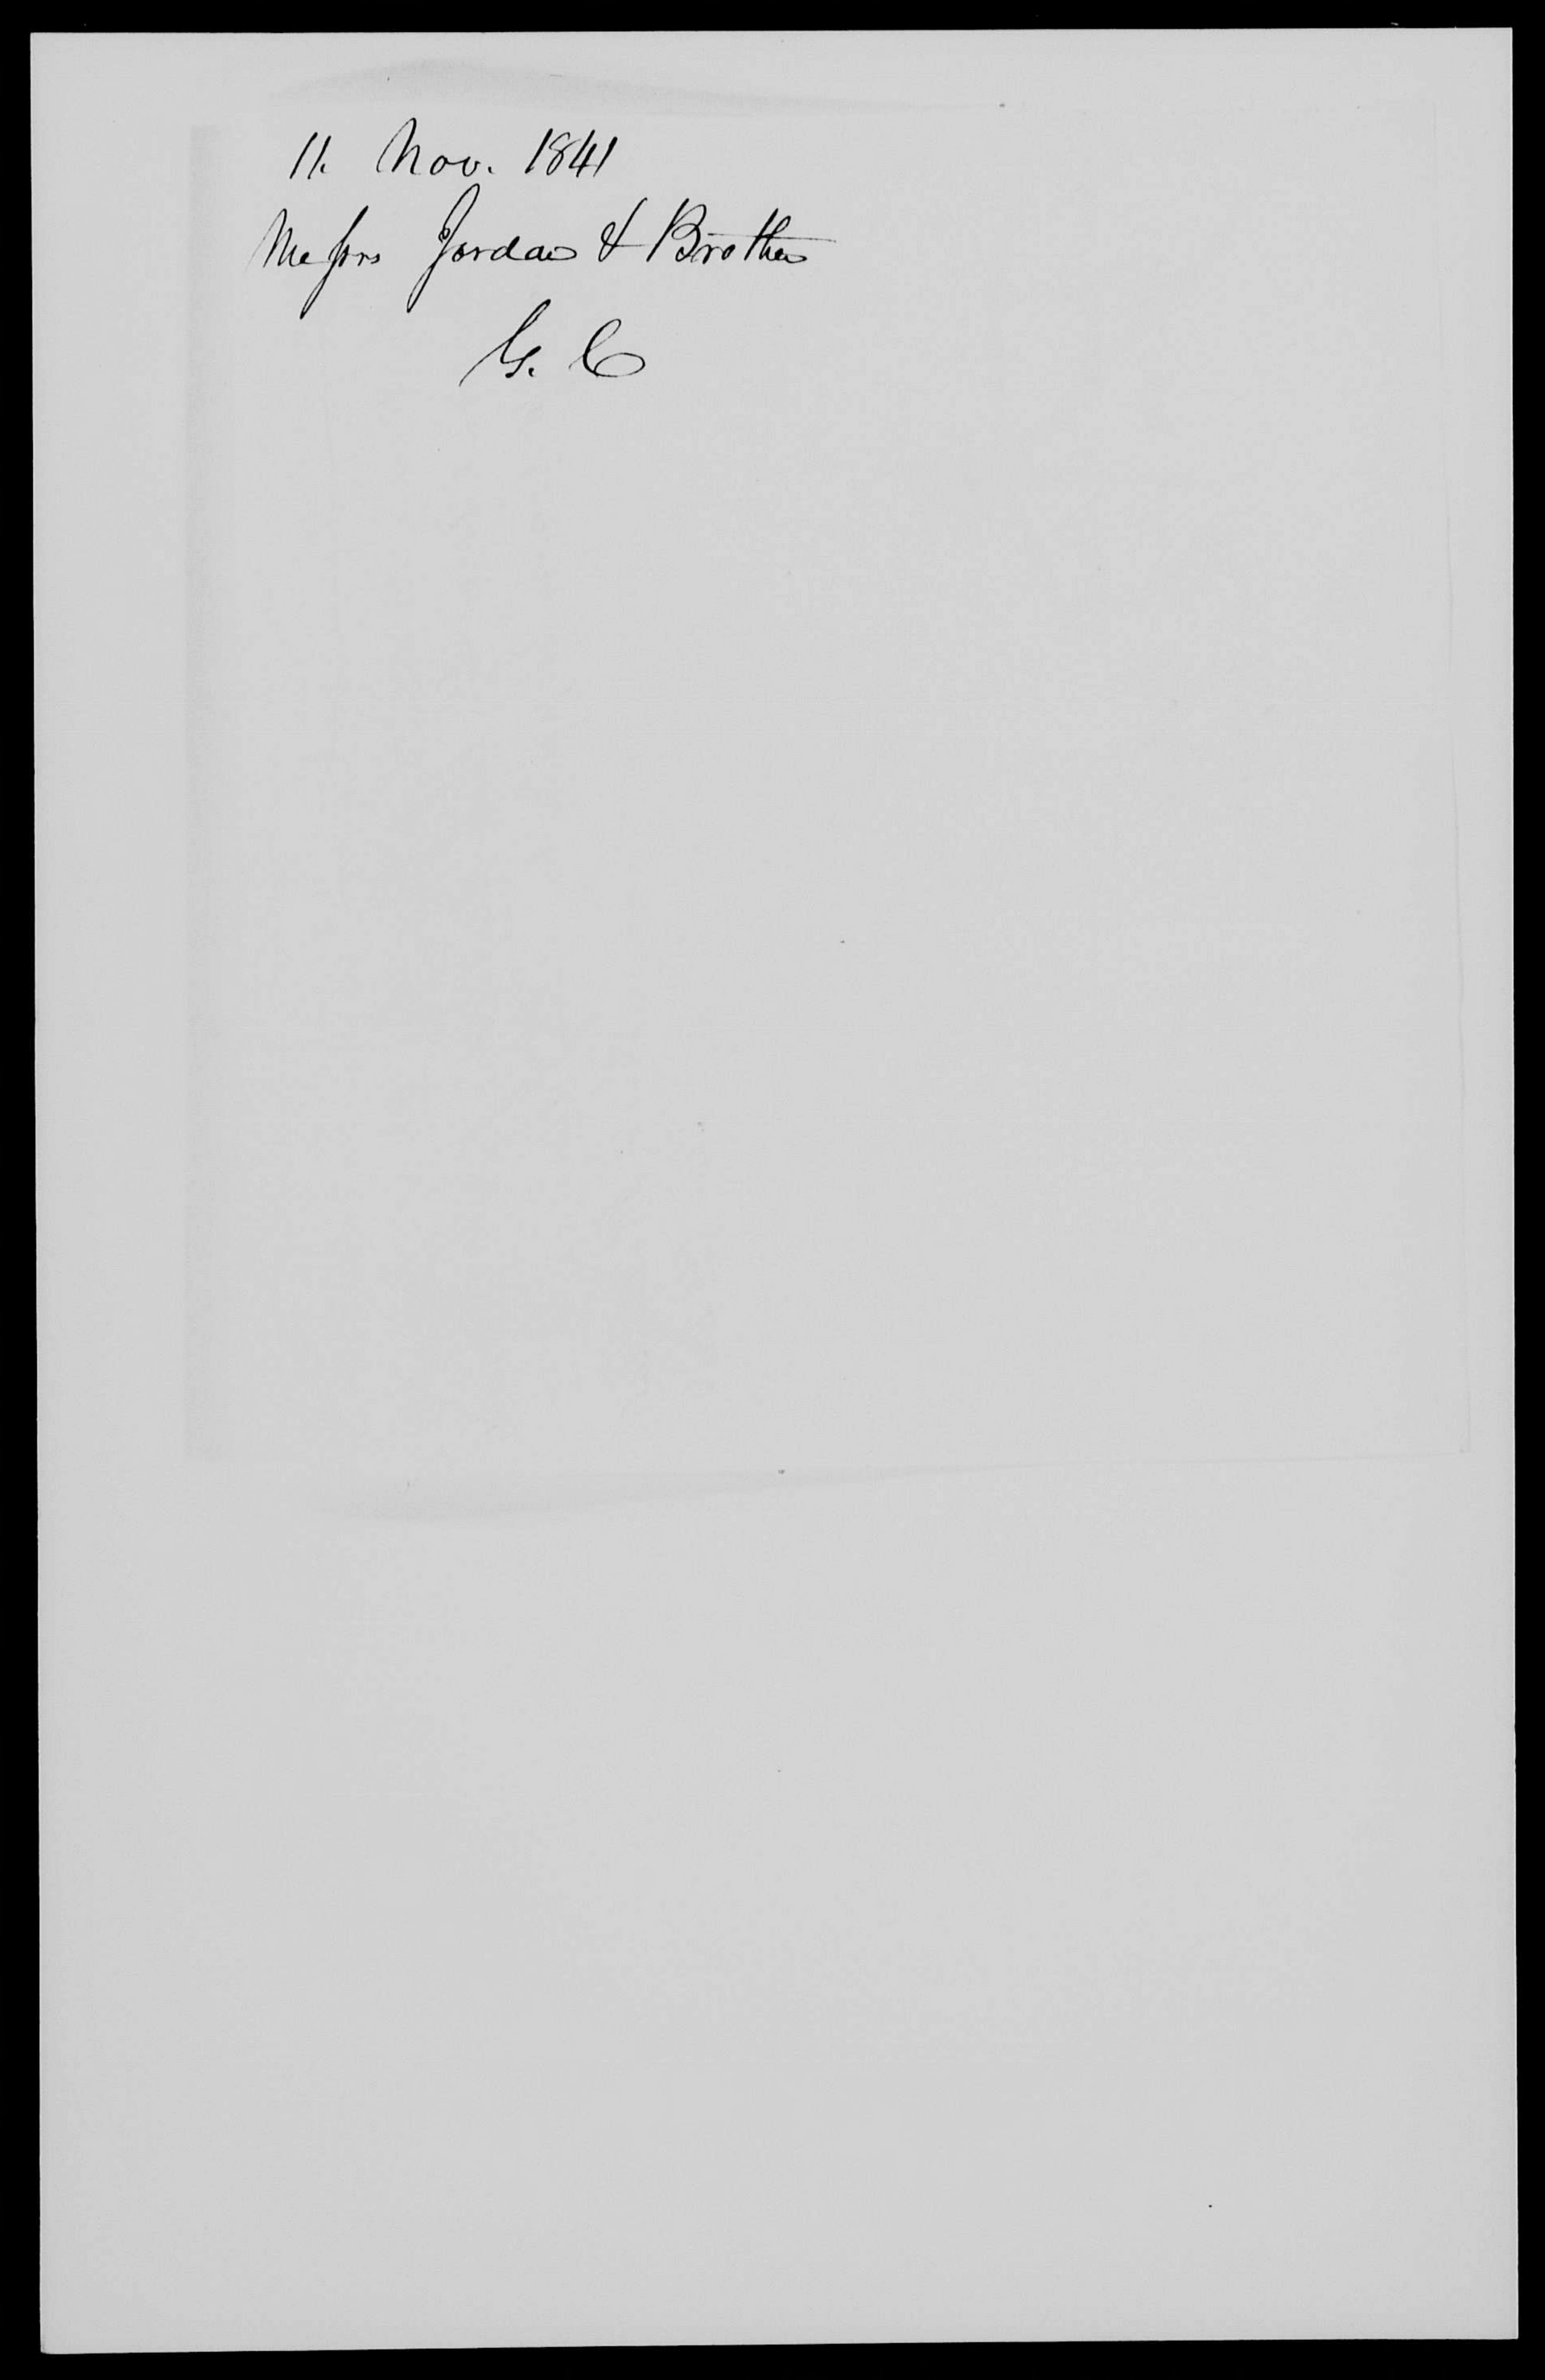11 Nov. 1841 [illegible] Jordan F Brother G. C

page: 68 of 79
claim: widow's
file: W. 2,906, Stephen Bennet, Conn.